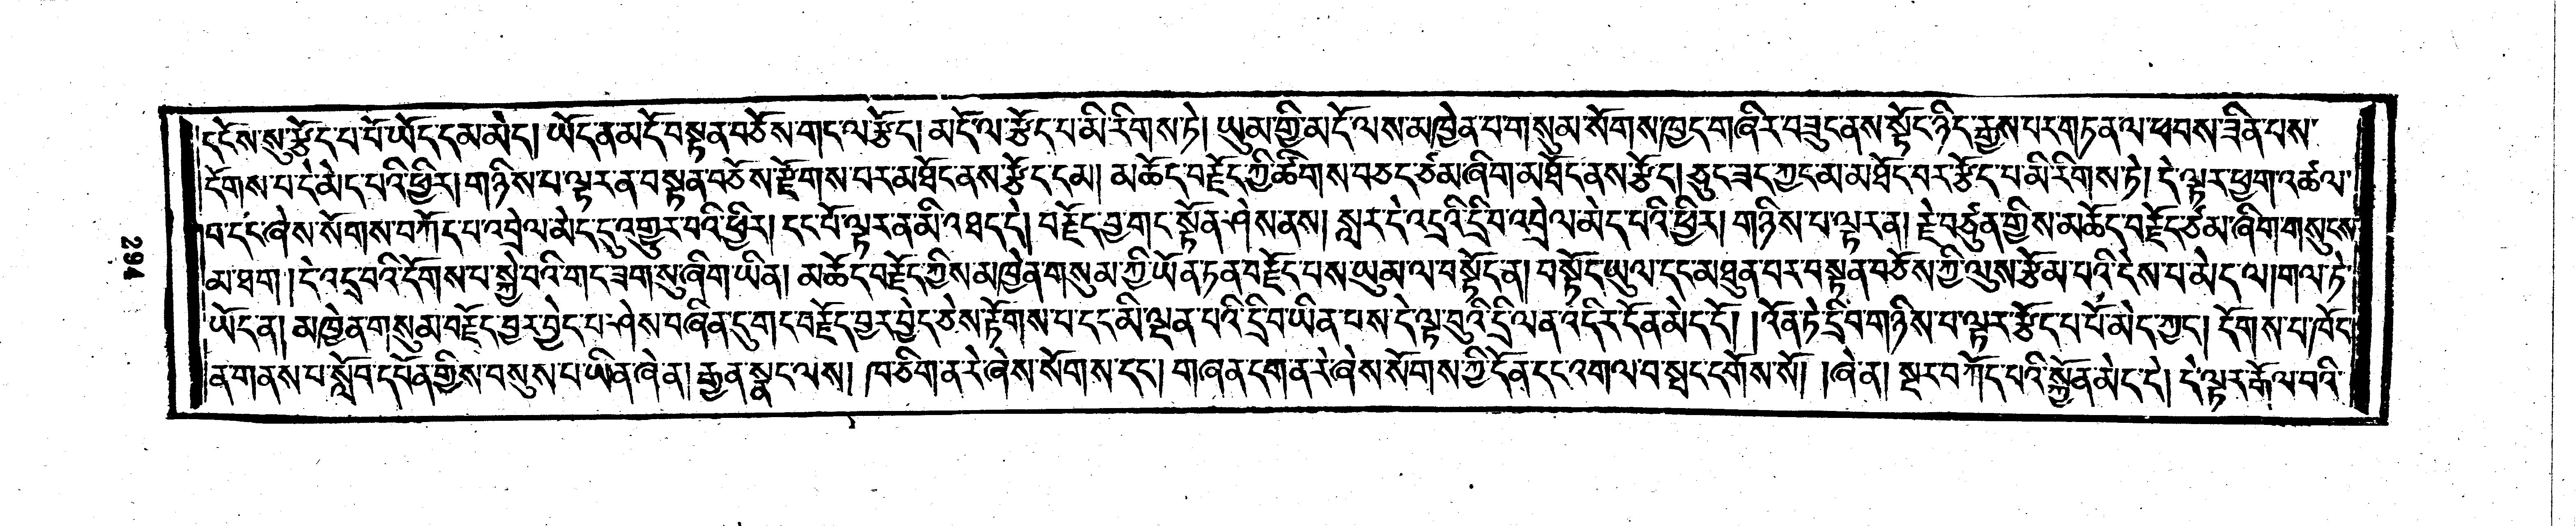དངོས་སུ་རྩོད་པ་པོ་ཡོད་དམ་མེད། ཡོད་ན་མདོ་བསྟན་བཅོས་གང་ལ་རྩོད། མདོ་ལ་རྩོད་པ་མི་རིགས་ཏེ། ཡུམ་གྱི་མདོ་ལས་མཁྱེན་པ་གསུམ་སོགས་ཁྱད་གཞིར་བཟུང་ནས་སྟོང་ཉིད་རྒྱས་པར་གཏན་ལ་ཕབས་ཟིན་པས་
དོགས་པ་དེ་མེད་པའི་ཕྱིར། གཉིས་པ་ལྟར་ན་བསྟན་བཅོས་རྫོགས་པར་མཐོང་ནས་རྩོད་དམ། མཆོད་བརྗོད་ཀྱི་ཚིགས་བཅད་ཙམ་ཞིག་མཐོང་ནས་རྩོད། ཅུང་ཟད་ཀྱང་མ་མཐོང་བར་རྩོད་པ་མི་རིགས་ཏེ། དེ་ལྟར་ཕྱག་འཚལ་
བ་དང་ཞེས་སོགས་བཀོད་པ་འབྲེལ་མེད་དུ་འགྱུར་བའི་ཕྱིར། དང་པོ་ལྟར་ན་མི་འཐད་དེ། བརྗོད་བྱ་གང་སྟོན་ཤེས་ནས། སླར་དེ་འདྲའི་དྲི་བ་འབྲེལ་མེད་པའི་ཕྱིར། གཉིས་པ་ལྟར་ན། རྗེ་བཙུན་གྱིས་མཆོད་བརྗོད་ཙམ་ཞིག་གསུངས་
མ་ཐག །དེ་འདྲ་བའི་དོགས་པ་སྐྱེ་བའི་གང་ཟག་སུ་ཞིག་ཡིན། མཆོད་བརྗོད་ཀྱིས་མཁྱེན་གསུམ་ཀྱི་ཡོན་ཏན་བརྗོད་པས་ཡུམ་ལ་བསྟོད་ན། བསྟོད་ཡུལ་དང་མཐུན་པར་བསྟན་བཅོས་ཀྱི་ལུས་རྩོམ་པའི་ངེས་པ་མེད་ལ། གལ་ཏེ་
ཡོད་ན། མཁྱེན་གསུམ་བརྗོད་བྱར་བྱེད་པ་ཤེས་བཞིན་དུ་གང་བརྗོད་བྱར་བྱེད་ཅེས་རྟོགས་པ་དང་མི་ལྡན་པའི་དྲི་བ་ཡིན་པས་དེ་ལྟ་བུའི་དྲི་ལན་འདིར་དོན་མེད་དོ། །འོན་ཏེ་དྲི་བ་གཉིས་པ་ལྟར་རྩོད་པ་པོ་མེད་ཀྱང་། དོགས་པ་ཁོང་
ན་གནས་པ་སློབ་དཔོན་གྱིས་བསུས་པ་ཡིན་ཞེ་ན། རྒྱན་སྣང་ལས། ཁ་ཅིག་ན་རེ་ཞེས་སོགས་དང་། གཞན་དག་ན་རེ་ཞེས་སོགས་ཀྱི་དོན་དང་འགལ་བ་སྤང་དགོས་སོ། །ཞེ་ན། སྔར་བཀོད་པའི་སྐྱོན་མེད་དེ། དེ་ལྟར་རྒོལ་བའི་